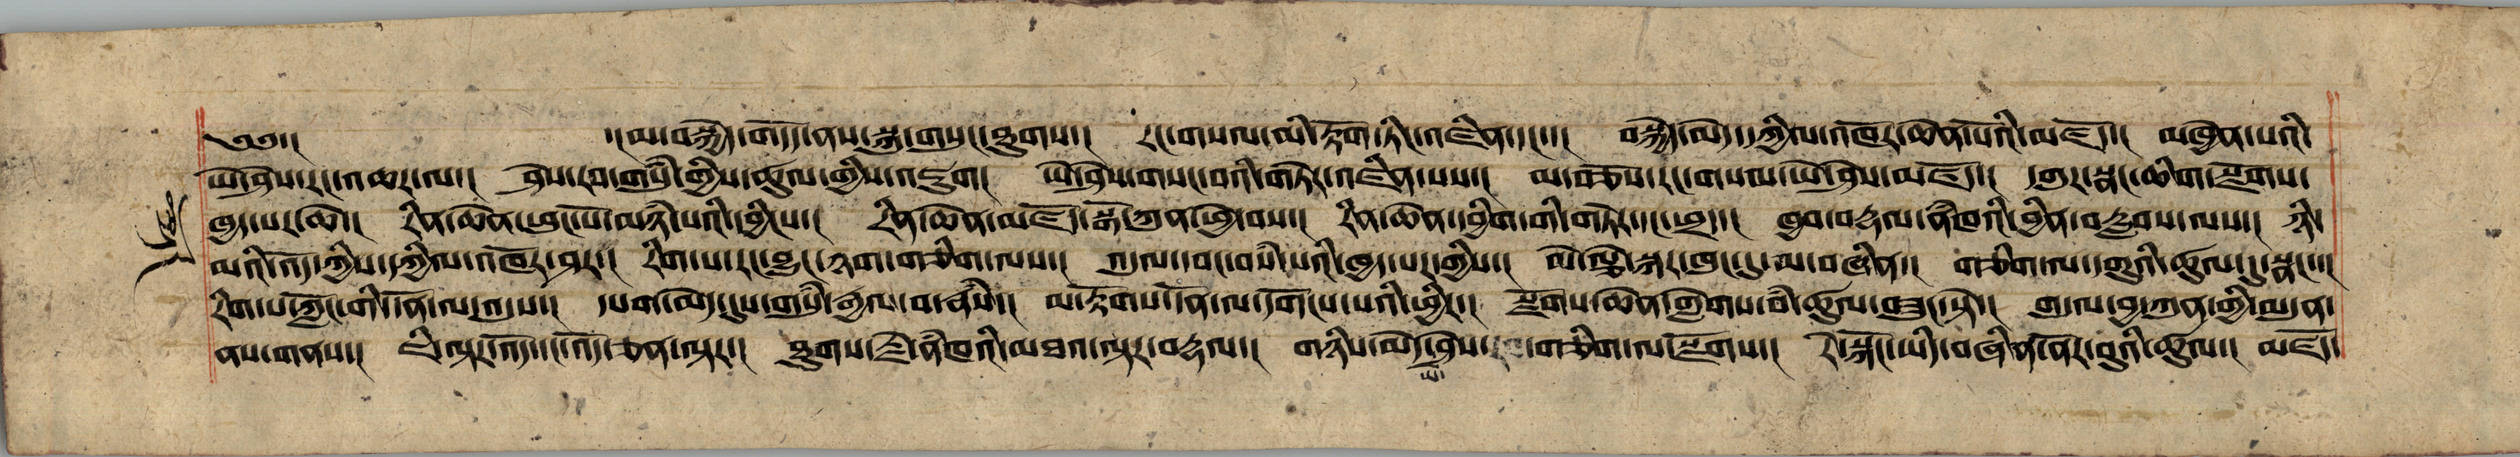༄༅་། ་།མ་བསྐྱེད་གདོད་ནས་སྐུ་གསུང་ཐུགས་། རང་གསལ་མི་རྟོག་ཏིང་འཛིན་དང་་། བསྐྱེད་མེད་དཀྱིལ་འཁོར་ཆེན་པོའི་མཛོད་། མཁྱེན་པའི་
ཡེ་ཤེས་རང་འཆར་ལ་། ཤེས་རབ་གསུཾ་གྱིས་ཚུལ་གྱིས་འཇུག། ཡེ་ཤེས་གསང་བའི་གཏེར་འཛིན་པས་། མ་བཅོས་རང་གསལ་ཡེ་ཤེས་མཛོད་། དགུར་སྣང་ཆིག་སྫོགས་
ཁྱད་པར་ཆེ་། རིན་ཆེན་ཕུང་པོ་མཉཾ་པའི་དབྱིངས་། རིན་ཆེན་མཛོད་སྒོ་ཀུན་ཕྱེ་བས་། རིན་ཆེན་དབྱིག་གི་གཏེར་དང་ཕྲད་། ཁྱབ་བརྡལ་ནཾཁའི་བྱིན་བརླབས་ལས་། ཉི་
མའི་འོད་ཀྱིས་དཀྱིལ་འཁོར་ཤར་། རིག་པ་རང་བྱུང་ཉག་གཅིག་ལས་། འདུལ་དབང་བསཾ་པའི་ཁྱད་པར་གྱིས་། མེ་ལྕེ་སྐར་ཁུང་དུ་མ་བཞིན་། གཅིག་ལ་དགུའི་ཚུལ་དུ་སྣང་་།
རིག་པ་ཀློང་གི་དོན་ལ་འདུས་། དཔག་མེད་དུས་གསུཾ་རྒྱལ་བ་རྣཾས་། མ་རྟོགས་དོན་ལ་དགོངས་པའི་ཕྱིར་། སྫོགས་ཆེན་གླེགས་བཾ་ཚུལ་བཟུང་སྟེ་། གདུལ་བྱ་ཀུན་གྱི་མདུན་
ནས་གནས་། ཇི་ལྟར་འདོ་དང་འོད་ཅན་ལྟར་། ཐུགས་རྗེ་ནཾཁའི་མཐའ་ལྟར་བརྡལ་། གཉིས་མེད་ཤེས་རབ་གཅིག་ལ་སྫོགས་། རེ་སྐོང་ཡིད་བཞིན་ནོར་བུའི་ཚུལ་། མཛོད་